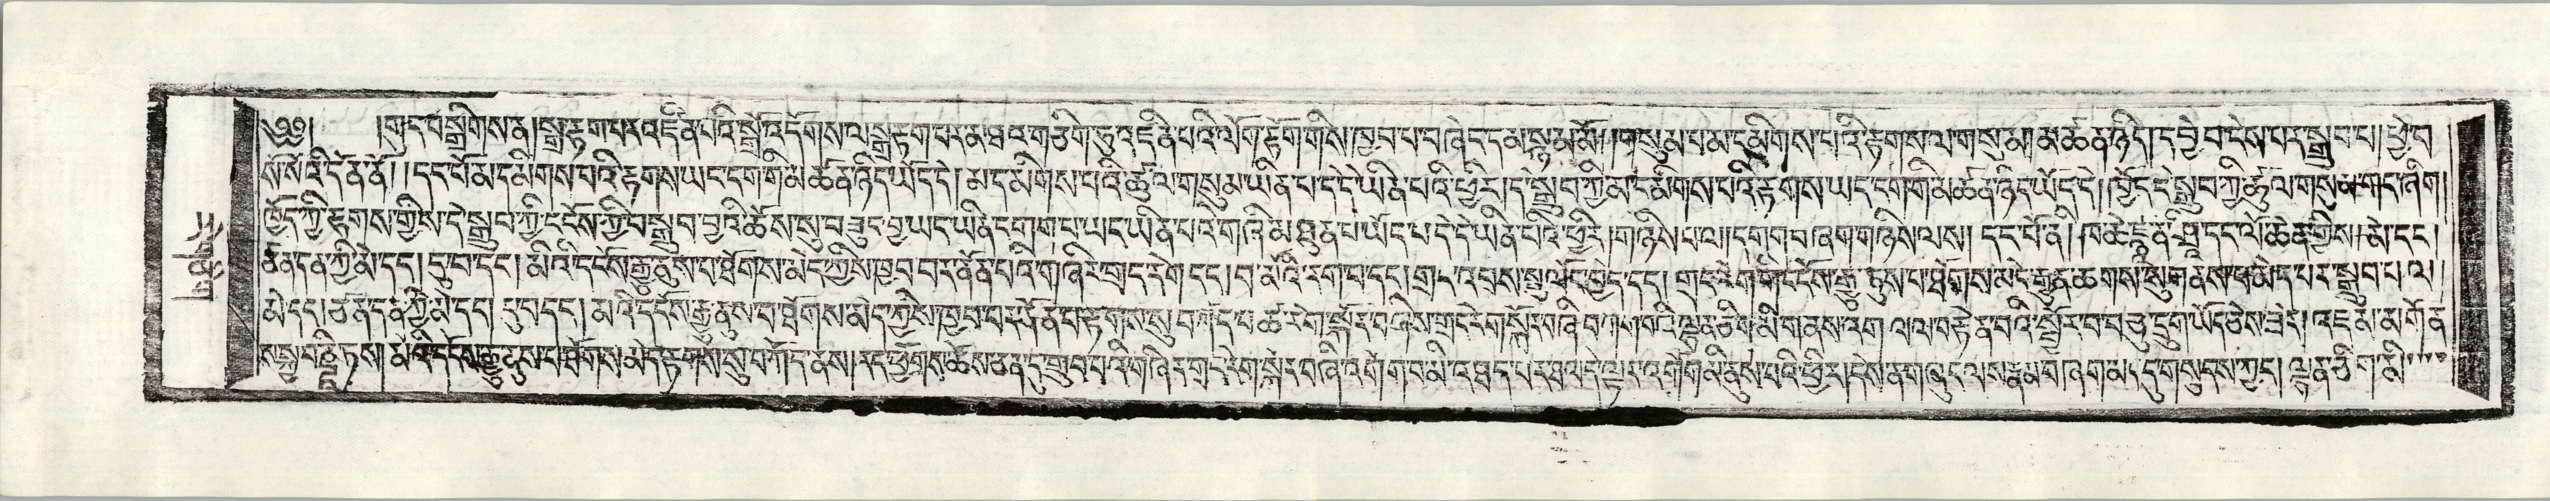༄༅། །གུང་བསྒྲིགས་ན། སྒྲ་རྟག་པར་འཛིན་པའི་སྒྲོ་འདོགས་ལ་སྒྲ་རྟག་པར་མཐའ་གཅིག་ཏུ་འཛིན་པའི་ལོག་རྟོག་གིས་ཁྱབ་པ་བཞེད་དམ་སྙམ་མོ། །གསུམ་པ་མ་དམིགས་པའི་རྟགས་ལ་གསུམ། མཚན་ཉིད། དབྱེ་བ་ངེས་པར་སྒྲུབ་པ། ཕྱེ་བ་
སོ་སོའི་དོན་ནོ། །དང་པོ་མ་དམིགས་པའི་རྟགས་ཡང་དག་གི་མཚན་ཉིད་ཡོད་དེ། མ་དམིགས་པའི་ཚུལ་གསུམ་ཡིན་པ་དེ་དེ་ཡིན་པའི་ཕྱིར་།དེ་སྒྲུབ་ཀྱི་མ་དམིགས་པའི་རྟགས་ཡང་དག་གི་མཚན་ཉིད་ཡོད་དེ། ཁྱོད་དེ་སྒྲུབ་ཀྱི་ཚུལ་གསུམ་གང་ཞིག །
ཁྱོད་ཀྱི་རྟགས་གྱིས་དེ་སྒྲུབ་ཀྱི་དངོས་ཀྱི་བསྒྲུབ་བྱའི་ཆོས་སུ་བཟུང་བྱ་ཡང་ཡིན་དགག་པ་ཡང་ཡིན་པའི་གཞི་མཐུན་པ་ཡོད་པ་དེ་དེ་ཡིན་པའི་ཕྱིར། གཉིས་པ་ལ། དགག་བཞག་གཉིས་ལས། དང་པོ་ནི། ཁ་ཆེ་ཛྙཱ་ན་ཤྲཱི་དང་ལོ་ཆེན་གྱིས། མེ་དང་།
ཙན་དན་གྱི་མེ་དང་། དུ་བ་དང་། མིའི་དངོས་རྒྱུ་ནུས་པ་ཐོགས་མེད་ཀྱིས་ཁྱབ་པར་ནོན་པའི་གཞིར་གྲང་རེག་དང་། བ་མོའི་རེག་པ་དང་། གྲང་འབྲས་སྤུ་ལོང་བྱེད་དང་། གྲང་རེག་གི་དངོས་རྒྱུ་ནུས་པ་ཐོགས་མེད་རྒྱུན་ཆགས་སུ་གནས་པ་མེད་པར་སྒྲུབ་པ་ལ།
མེ་དང་། ཙན་དན་གྱི་མེ་དང་། དུ་བ་དང་། མེའི་དངོས་རྒྱུ་ནུས་པ་ཐོགས་མེད་ཀྱིས་ཁྱབ་པར་ནོན་པ་རྟགས་སུ་བཀོད་པ་ཚ་རེག་སྐོར་བཞིས་གྲང་རེག་སྐོར་བཞི་བཀག་པའི་ལྷན་ཅིག་མི་གནས་འགལ་ལ་བརྟེན་པའི་སྦྱོར་བ་བཅུ་དྲུག་ཡོད་ཅེས་ཟེར། འཇམ་མགོན་
ས་སྐྱ་པཎྚི་ཏས། མེའི་དངོས་རྒྱུ་ནུས་པ་ཐོགས་མེད་རྟགས་སུ་བཀོད་ནས། རང་ཕྱོགས་ཆོས་ཅན་དུ་གྲུབ་པའི་གཞིར་གྲང་རེག་སྐོར་བཞི་འགོག་པ་མི་འཐད་པར་ཐལ། དེ་ལྟར་འགོག་མི་ནུས་པའི་ཕྱིར། དེས་ན་གཞུང་ལས་རྣམ་བཞག་མང་དུ་གསུངས་ཀྱང་། ལྷན་ཅིག་མི་